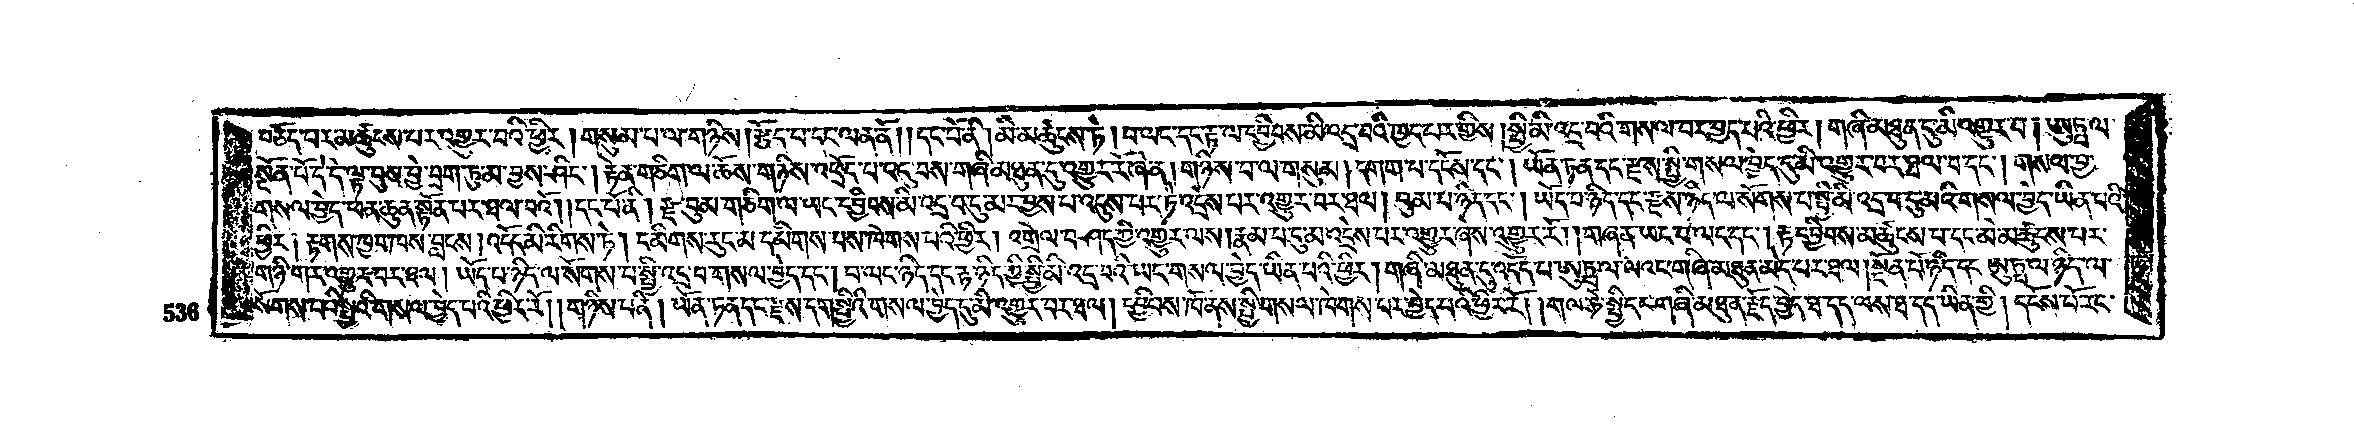བཅོད་པར་མཚུངས་པར་འགྱུར་བའི་ཕྱིར། གསུམ་པ་ལ་གཉིས། རྩོད་པ་དང་ལན་ནོ། །དང་པོ་ནི། མི་མཚུངས་ཏེ། བ་ལང་དང་རྟ་ལ་དབྱིབས་མི་འདྲ་བའི་ཁྱད་པར་གྱིས། སྤྱི་མི་འདྲ་བའི་གསལ་བར་བྱད་པའི་ཕྱིར། གཞི་མཐུན་དུ་མི་འགྱུར་བ། ཨུཏཔ་ལ་
སྔོན་པོ་དེ་དེ་ལྟ་བུས་བྱེ་བྲག་ཏུ་མ་བྱས་ཤིང་། རྟེན་གཅིག་ལ་ཆོས་གཉིས་འཕྲོད་པ་འདུ་བས་གཞི་མཐུན་དུ་འགྱུར་རོ་ཞེ་ན། གཉིས་པ་ལ་གསུམ། དགག་པ་དངོས་དང་། ཡོན་ཏན་དང་རྫས་སྤྱི་གསལ་བྱེད་དུ་མི་འགྱུར་བར་ཐལ་བ་དང་། གསལ་བྱ་
གསལ་བྱེད་ཕན་ཚུན་སྟོན་པར་ཐལ་བའོ། །དང་པོ་ནི། རྫ་བུམ་གཅིག་ལ་ཡང་དབྱིབས་མི་འདྲ་བ་དུ་མར་བྱས་པ་འདུས་པར་ཏེ་འདྲེས་པར་འགྱུར་བར་ཐལ། བུམ་པ་ཉིད་དང་། ཡོད་པ་ཉིད་དང་རྫས་ཉིད་ལ་སོགས་པ་སྤྱི་མི་འདྲ་བ་དུ་མའི་གསལ་བྱེད་ཡིན་པའི་
ཕྱིར༑ རྟགས་ཁྱབ་ཁས་བླངས། འདོད་མི་རིགས་ཏེ། དམིགས་རུང་མ་དམིགས་པས་ཁེགས་པའི་ཕྱིར། འགྲེལ་བཤད་ཀྱི་འགྱུར་ལས། རྣམ་པ་དུ་མ་འདྲེས་པར་འགྱུར་ཞེས་འགྱུར་རོ། །གཞན་ཡང་བ་ལང་དང་། རྟ་དབྱིབས་མཚུངས་པ་དང་མི་མཚུངས་པར་
གཉི་གར་འགྱུར་བར་ཐལ། ཡོད་པ་ཉིད་ལ་སོགས་པ་སྤྱི་འདྲ་བ་གསལ་བྱེད་དང་། བ་ལང་ཉིད་དང་རྟ་ཉིད་ཀྱི་སྤྱི་མི་འདྲ་བའི་ཡང་གསལ་བྱེད་ཡིན་པའི་ཕྱིར། གཞི་མཐུན་དུ་འདོད་པ་ཨུཏཔ་ལ་ལའང་གཞི་མཐུན་མེད་པར་ཐལ། སྔོན་པོ་ཉིད་དང་། ཨུཏཔ་ལ་ཉིད་ལ་
སོགས་པའི་སྤྱིའི་གསལ་བྱེད་པའི་ཕྱིར་རོ། །གཉིས་པ་ནི། ཡོན་ཏན་དང་རྫས་དག་སྤྱིའི་གསལ་བྱེད་དུ་མི་འགྱུར་བར་ཐལ། དབྱིབས་ཁོ་ན་སྤྱི་གསལ་ཁེགས་པར་བྱེད་པའི་ཕྱིར་རོ། །གལ་ཏེ་སྤྱི་དང་གཞི་མཐུན་རྗོད་བྱེད་ཐ་དད་ལས་ཐ་དད་ཡིན་གྱི་།དངོས་པོ་རང་